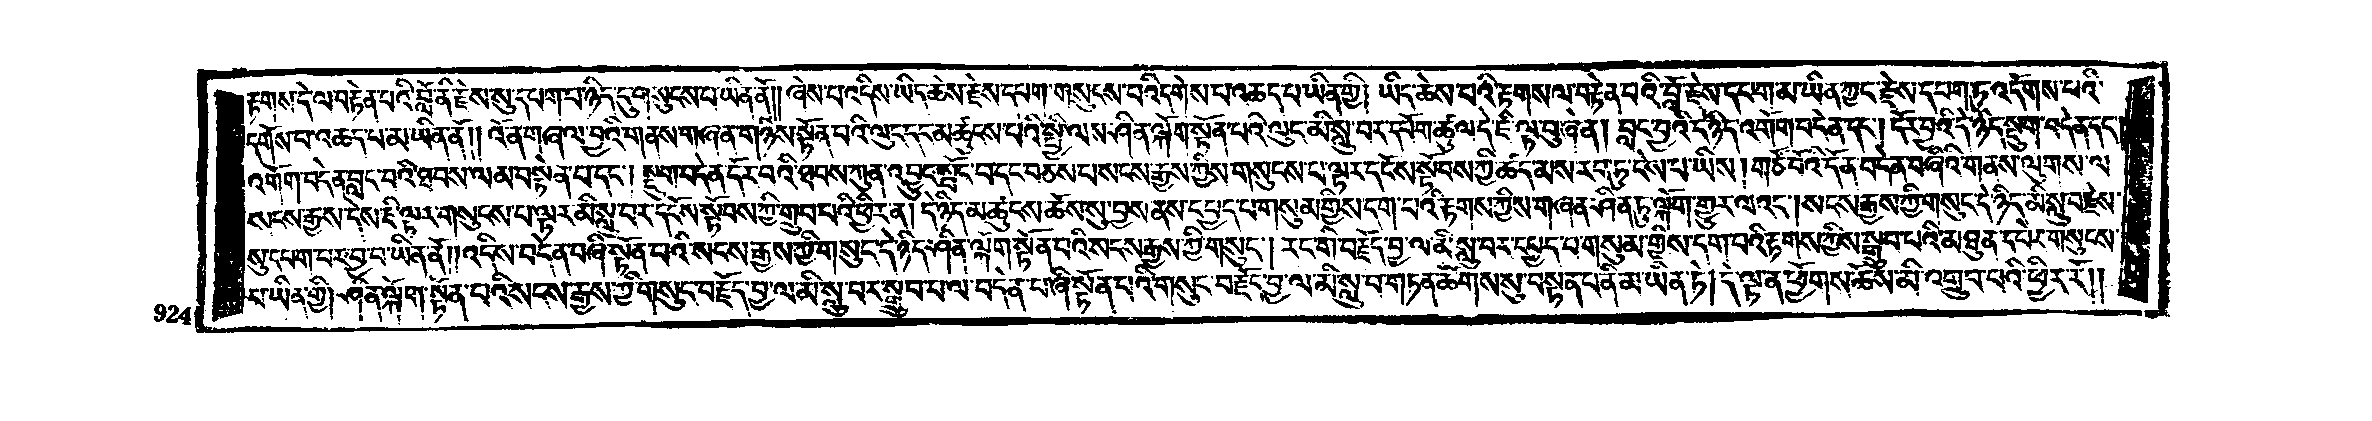རྟགས་དེ་ལ་བརྟེན་པའི་བློ་ནི་རྗེས་སུ་དཔག་པ་ཉིད་དུ་གསུངས་པ་ཡིན་ནོ། །ཞེས་པ་འདིས་ཡིད་ཆེས་རྗེས་དཔག་གསུངས་པའི་དགོས་པ་འཆད་པ་ཡིན་གྱི། ཡིད་ཆེས་པའི་རྟགས་ལ་བརྟེན་པའི་བློ་རྗེས་དཔག་མ་ཡིན་ཀྱང་རྗེས་དཔག་ཏུ་འདོགས་པའི་
དགོས་པ་འཆད་པ་མ་ཡིན་ནོ། །འོ་ན་གཞལ་བྱའི་གནས་གཞན་གཉིས་སྟོན་པའི་ལུང་དང་མཚུངས་པའི་སྤྱི་ལས་ཤིན་ལྐོག་སྟོན་པའི་ལུང་མི་སླུ་བར་དཔོག་ཚུལ་དེ་ཇི་ལྟ་བུ་ཞེ་ན། བླང་བྱའི་དེ་ཉིད་འགོག་བདེན་དང་། དོར་བྱའི་དེ་ཉིད་སྡུག་བདེན་དང་།
འགོག་བདེན་བླང་བའི་ཐབས་ལམ་བསྟེན་པ་དང་། སྡུག་བདེན་དོར་པའི་ཐབས་ཀུན་འབྱུང་སྤོང་བ་དང་བཅས་པ་སངས་རྒྱས་ཀྱིས་གསུངས་པ་ལྟར་དངོས་སྟོབས་ཀྱི་ཚད་མས་རབ་ཏུ་ངེས་པ་ཡིས། གཙོ་བོའི་དོན་བདེན་བཞིའི་གནས་ལུགས་ལ་
སངས་རྒྱས་དེས་ཇི་ལྟར་གསུངས་པ་ལྟར་མི་སླུ་བར་དངོས་སྟོབས་ཀྱི་གྲུབ་པའི་ཕྱིར་ན། དེ་ཉིད་མཚུངས་ཆོས་སུ་བྱས་ནས་དཔྱད་པ་གསུམ་གྱིས་དག་པའི་རྟགས་ཀྱིས་གཞན་ཤིན་ཏུ་ལྐོག་གྱུར་ལའང་། སངས་རྒྱས་ཀྱི་གསུང་དེ་ཉིད་མི་སླུ་བ་རྗེས་
སུ་དཔག་པར་བྱ་བ་ཡིན་ནོ། །འདིས་བདེན་བཞི་སྟོན་པའི་སངས་རྒྱས་ཀྱི་གསུང་དེ་ཉིད་ཤིན་ལྐོག་སྟོན་པའི་སངས་རྒྱས་ཀྱི་གསུང་། རང་གི་བརྗོད་བྱ་ལ་མི་སླུ་བར་དཔྱད་པ་གསུམ་གྱིས་དག་པའི་རྟགས་ཀྱིས་སྒྲུབ་པའི་མཐུན་དཔེར་གསུངས་
པ་ཡིན་གྱི། ཤིན་ལྐོག་སྟོན་པའི་སངས་རྒྱས་ཀྱི་གསུང་བརྗོད་བྱ་ལ་མི་སླུ་བར་སྒྲུབ་པ་ལ་བདེན་བཞི་སྟོན་པའི་གསུང་བརྗོད་བྱ་ལ་མི་སླུ་བ་གཏན་ཚིགས་སུ་བསྟན་པ་ནི་མ་ཡིན་ཏེ། དེ་ལྟ་ན་ཕྱོགས་ཆོས་མི་འགྲུབ་པའི་ཕྱིར་རོ། །